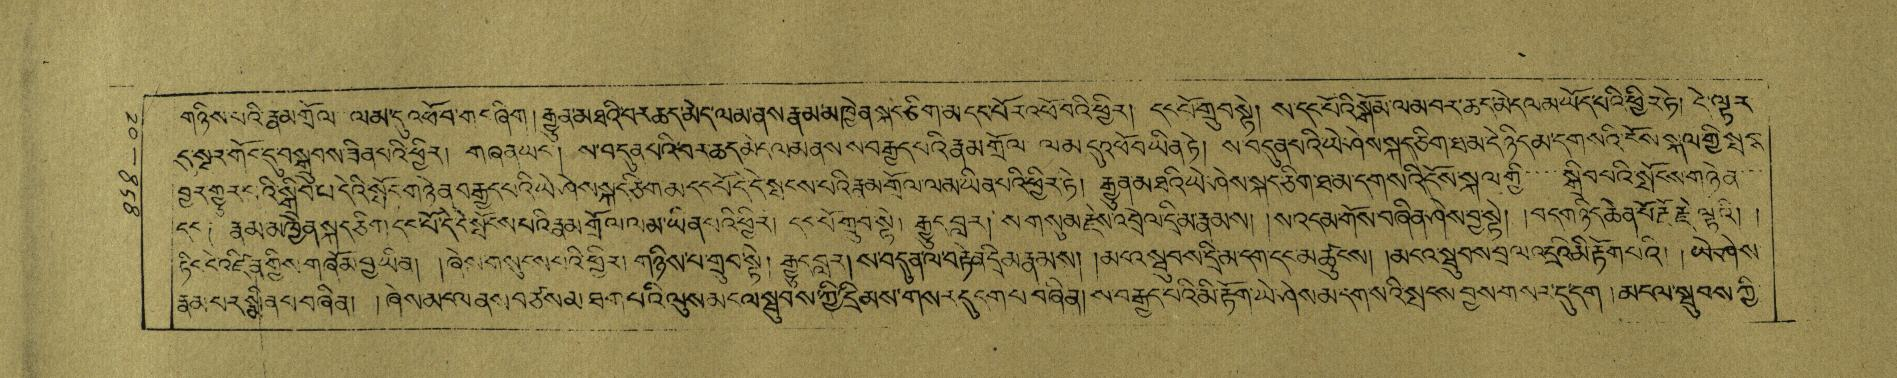གཉིས་པའི་རྣམ་གྲོལ་ལམ་དུ་འཕོ་བ་གང་ཞིག། རྒྱུན་མཐའི་བར་ཆད་མེད་ལམ་ནས་རྣམ་མཁྱེན་སྐད་ཅིག་མ་དང་པོར་འཕོ་བའི་ཕྱིར། དང་པོ་གྲུབ་སྟེ། ས་དང་པོའི་སྒོམ་ལམ་བར་ཆད་མེད་ལམ་ཡོད་པའི་ཕྱིར་ཏེ། དེ་ལྟར་
དུ་སྔར་གོང་དུ་བསྒྲུབས་ཟིན་པའི་ཕྱིར། གཞན་ཡང་། ས་བདུན་པའི་བར་ཆད་མེད་ལམ་ནས་ས་བརྒྱད་པའི་རྣམ་གྲོལ་ལམ་དུ་འཕོ་བ་ཡིན་ཏེ། ས་བདུན་པའི་ཡེ་ཤེས་སྐད་ཅིག་ཐ་མ་དེ་ཉིད་མ་དག་སའི་ངོས་སྐལ་གྱི་སྤངས་
བྱར་གྱུར་པའི་སྒྲིབ་པ་དེའི་སྤོང་གཉེན་བརྒྱད་པའི་ཡེ་ཤེས་སྐད་ཅིག་མ་དང་པོ་དེ་དེ་སྤངས་པའི་རྣམ་གྲོལ་ལམ་ཡིན་པའི་ཕྱིར་ཏེ། རྒྱུན་མཐའི་ཡེ་ཤེས་སྐད་ཅིག་ཐ་མ་དག་སའི་ངོས་སྐལ་གྱི་སྒྲིབ་པའི་སྤོངས་གཉེན་
དང༑ རྣམ་མཁྱེན་སྐད་ཅིག་དང་པོ་དེ་དེ་སྤོངས་པའི་རྣམ་གྲོལ་ལམ་ཡིན་པའི་ཕྱིར། དང་པོ་གྲུབ་སྟེ། རྒྱུད་བླར། ས་གསུམ་རྗེས་འབྲེལ་དྲི་མ་རྣམས། །ས་འདམ་གོས་བཞིན་ཤེས་བྱ་སྟེ། །བདག་ཉིད་ཆེན་པོ་རྡོ་རྗེ་ལྟའི། །
ཏིང་ངེ་འཛིན་གྱིས་གཞོམ་བྱ་ཡིན། །ཞེས་གསུངས་པའི་ཕྱིར། གཉིས་པ་གྲུབ་སྟེ། རྒྱུད་བླར། ས་བདུན་ལ་བརྟེན་དྲི་མ་རྣམས། །མངའ་སྦུབས་དྲི་མ་དག་དང་མཚུངས། །མངའ་སྦུབས་བྲལ་འདྲའི་མི་རྟོག་པའི། །ཡེ་ཤེས་
རྣམ་པར་སྨིན་པ་བཞིན། །ཞེས་མངལ་ནས་བཙས་མ་ཐག་པའི་ལུས་མངལ་སྦུབས་ཀྱི་དྲི་མས་གསར་དུ་དག་པ་བཞིན། ས་བརྒྱད་པའི་མི་རྟོག་ཡེ་ཤེས་མ་དག་སའི་སྤངས་བྱས་གསར་དུ་དག །མངལ་སྦུབས་ཀྱི་